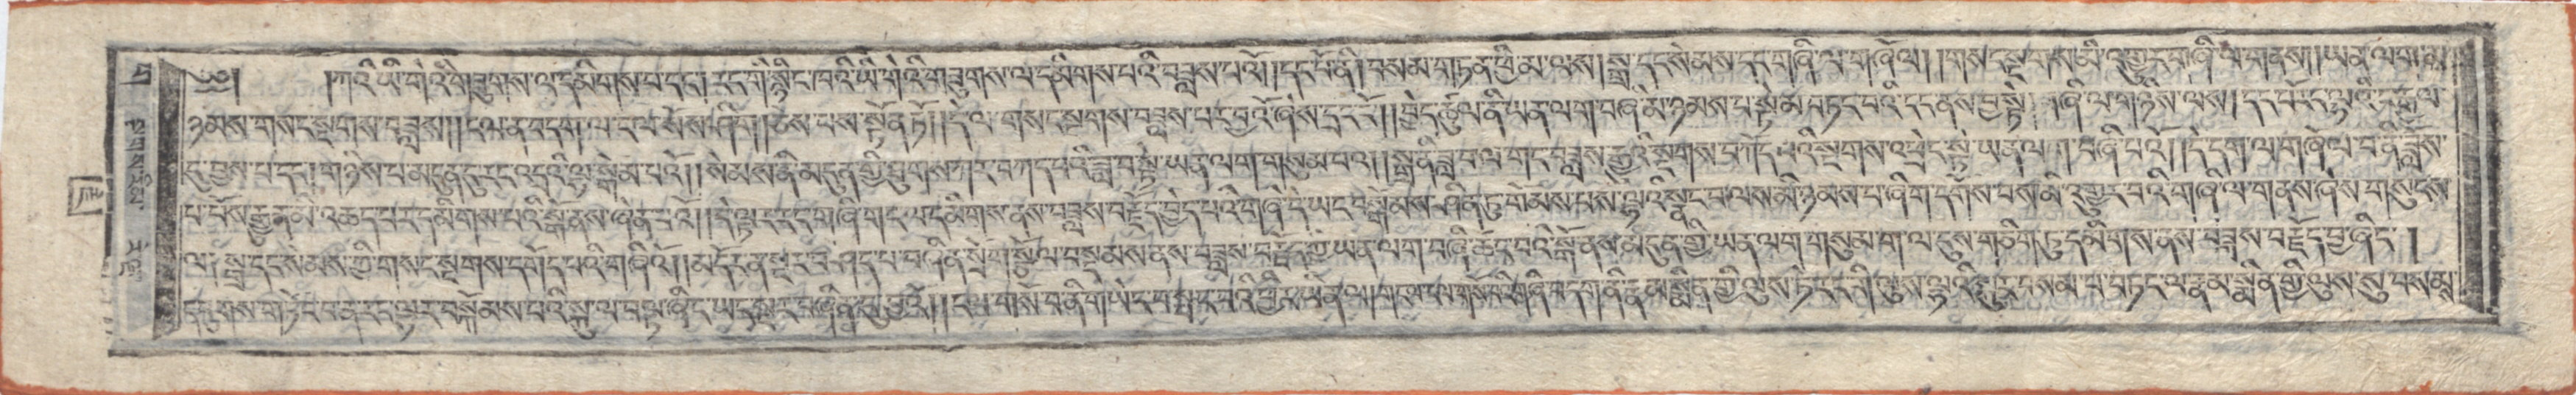༄༅། །ཀའི་ཡི་གེའི་གཟུགས་ལ་དམིགས་པ་དང་། རང་གི་སྙིང་ཁའི་ཡི་གེའི་གཟུགས་ལ་དམིགས་པའི་བཟླས་པའོ། །དང་པོ་ནི། བསམ་གཏན་ཕྱི་མ་ལས། སྒྲ་དང་སེམས་དང་གཞི་ལ་གཞོལ། །གསང་སྔགས་མི་འགྱུར་གཞི་ལ་གནས། །ཡན་ལག་མ་
ཉམས་གསང་སྔགས་བཟླས། །ངལ་ན་བདག་ལ་ངལ་སོས་ཤིག །ཅེས་པས་སྟོན་ཏོ། །དེ་ལ་གསང་སྔགས་བཟླས་པར་བྱའོ་ཞེས་དྲང་ངོ། །བྱེད་ཚུལ་ནི་ཡན་ལག་བཞི་མ་ཉམས་པ་སྟེ་མ་བཏང་བའི་ངང་ནས་བྱ་སྟེ། གཞི་ལ་གཉིས་ལས། དང་པོ་རང་ལྷའི་ང་རྒྱལ་
དུ་བྱས་པ་དང་། གཉིས་པ་མདུན་དུ་རང་འདྲའི་ལྷ་སྒོམ་པའོ། །སེམས་ནི་མདུན་གྱི་ཐུགས་ཀར་བཀོད་པའི་ཟླ་བ་སྟེ་ཡན་ལག་གསུམ་པའི། །སྒྲ་ནི་ཟླ་བ་ལ་གང་བཟླས་རྒྱུའི་སྔགས་བཀོད་པའི་སྔགས་འཕྲེང་སྟེ་ཡན་ལག་བཞི་པའོ། །དེ་དག་ལ་གཞོལ་བ་ནི་ཟློས་
པ་པོས་རྒྱུན་མི་འཆད་བར་དམིགས་པའི་སྒོ་ནས་ཞེན་པའོ། །དེ་ལྟར་རང་གཞི་གང་ལ་དམིགས་ནས་བཟླས་བརྗོད་བྱེད་པའི་གཞེ་དེ་ཡང་བསྒོམས་ཤིན་ཏུ་གོམས་པས་ལྷའི་སྣང་བ་ལས་མི་ཉམས་པ་ཞིག་དགོས་པས་མི་འགྱུར་བའི་གཞི་ལ་གནས་ཞེས་གསུངས་
ལ༑ སྒྲ་དང་སེམས་ཀྱི་གསང་སྔགས་དགོད་པའི་གཞིའོ། །མདོར་ན་སྔར་བཤད་པ་བཞིན་སྲོག་སྩོལ་བསྡམས་ནས་བཟླས་བརྗོད་ཀྱི་ཡན་ལག་བཞི་ཚང་བའི་སྒོ་ནས་མདུན་གྱི་ཡན་ལག་གསུམ་ག་ལ་དུས་གཅིག་ཏུ་དམིགས་ནས་བཟླས་བརྗོད་བྱ་ཞིང་།
དབུགས་གཏོང་བ་ན་རང་ལྷར་བསྐོམས་པའི་སྐུ་ལ་བལྟ་ཞིང་ཡང་སྔར་བཞིན་དུ་བྱའོ། །ངལ་གསོ་བ་ནི་གཡེང་བ་སྤང་བའི་ཕྱིར་ཡིན་ལ། གང་ལ་ངལ་གསོ་བའི་གཞི་བདག་ནི་རྣམ་སྨིན་གྱི་ལུས་ཏེ་རང་གི་ལུས་ལྷའི་སྐུར་བསམ་པ་བཏང་ལ་རྣམ་སྨིན་གྱི་ལུས་སུ་བསམས་